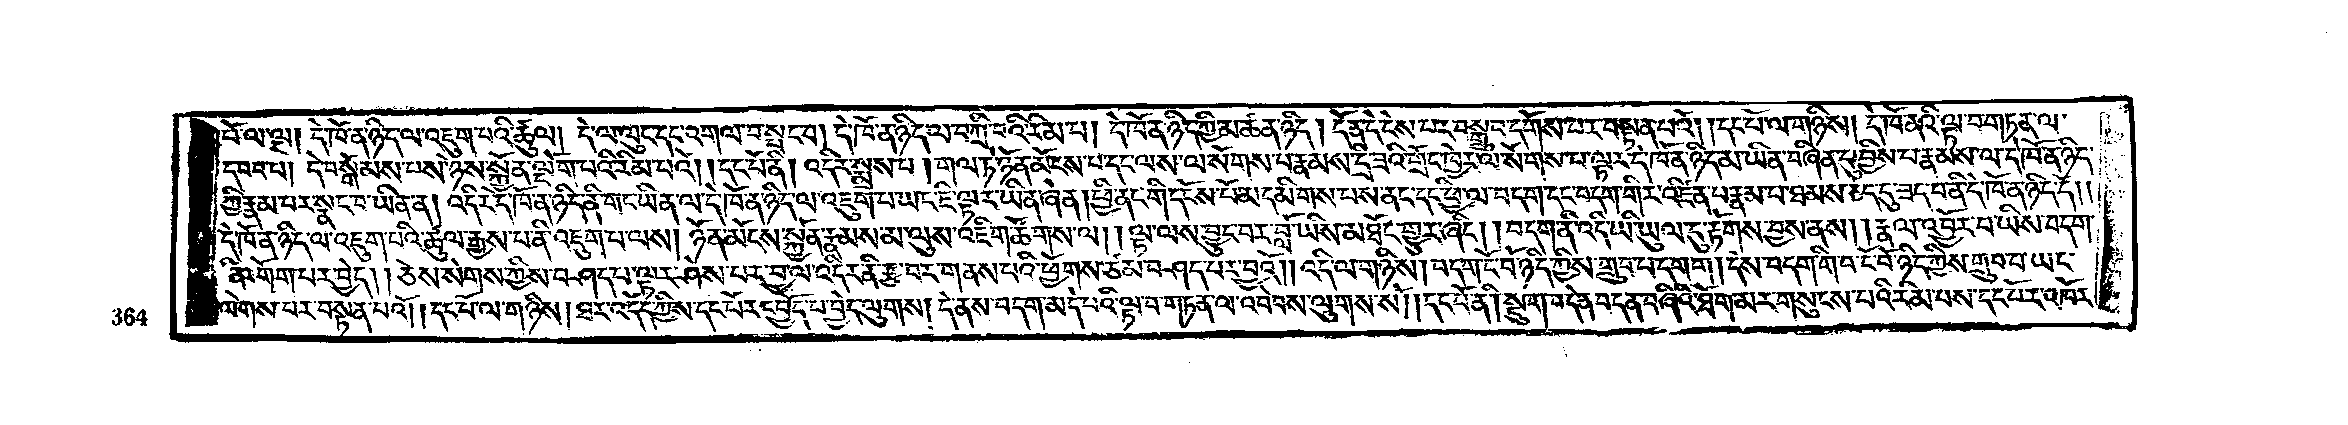པོ་ལ་ལྔ། དེ་ཁོ་ན་ཉིད་ལ་འཇུག་པའི་ཚུལ། དེ་ལ་ལུང་དང་འགལ་བ་སྤང་བ། དེ་ཁོ་ན་ཉིད་ལ་བཀྲི་བའི་རིམ་པ། དེ་ཁོ་ན་ཉིད་ཀྱི་མཚན་ཉིད། དོན་དེ་ངེས་པར་བསྒྲུབ་དགོས་པར་བསྟན་པའོ། །དང་པོ་ལ་གཉིས། དེ་ཁོ་ནའི་ལྟ་བ་གཏན་ལ་
དབབ་པ། དེ་བསྒོམས་པས་ཉེས་སྐྱོན་ལྡོག་པའི་རིམ་པའོ། །དང་པོ་ནི། འདིར་སྨྲས་པ། གལ་ཏེ་ཉོན་མོངས་པ་དང་ལས་ལ་སོགས་པ་རྣམས་དྲི་ཟའི་གྲོང་ཁྱེར་ལ་སོགས་པ་ལྟར་དེ་ཁོ་ན་ཉིད་མ་ཡིན་བཞིན་དུ་བྱིས་པ་རྣམས་ལ་དེ་ཁོ་ན་ཉིད་
ཀྱི་རྣམ་པར་སྣང་བ་ཡིན་ན། འདིར་དེ་ཁོ་ན་ཉིད་ནི་གང་ཡིན་ལ་དེ་ཁོ་ན་ཉིད་ལ་འཇུག་པ་ཡང་ཇི་ལྟར་ཡིན་ཞེ་ན། ཕྱི་ནང་གི་དངོས་པོ་མ་དམིགས་པས་ནང་དང་ཕྱི་ལ་བདག་དང་བདག་གིར་འཛིན་པ་རྣམ་པ་ཐམས་ཅད་དུ་ཟད་པ་ནི་དེ་ཁོ་ན་ཉིད་དོ།།
དེ་ཁོ་ན་ཉིད་ལ་འཇུག་པའི་ཚུལ་རྒྱས་པ་ནི་འཇུག་པ་ལས། ཉོན་མོངས་སྐྱོན་རྣམས་མ་ལུས་འཇིག་ཚོགས་ལ། །ལྟ་ལས་བྱུང་བར་བློ་ཡིས་མཐོང་གྱུར་ཞིང་། །བདག་ནི་འདི་ཡི་ཡུལ་དུ་རྟོགས་བྱས་ནས། །རྣལ་འབྱོར་པ་ཡིས་བདག་
ནི་འགོག་པར་བྱེད། །ཅེས་སོགས་ཀྱིས་བཤད་པ་ལྟར་ཤེས་པར་བྱ་ལ་འདིར་ནི་རྩ་བར་གནས་པའི་ཕྱོགས་ཙམ་བཤད་པར་བྱའོ། །འདི་ལ་གཉིས། བདག་ངོ་བོ་ཉིད་ཀྱིས་གྲུབ་པ་དགག །དེས་བདག་གི་བ་ངོ་བོ་ཉིད་ཀྱིས་གྲུབ་པ་ཡང་
ཁགས་པར་བསྟན་པའོ། །དང་པོ་ལ་གཉིས། ཐར་འདོད་ཀྱིས་དང་པོར་དབྱོད་པ་བྱེད་ལུགས། དེ་ནས་བདག་མེད་པའི་ལྟ་བ་གཏན་ལ་འབེབས་ལུགས་སོ། །དང་པོ་ནི། སྡུག་བདེན་བདན་བཞིའི་ཐོག་མར་གསུངས་པའི་རིམ་པས་དང་པོར་འཁོར་